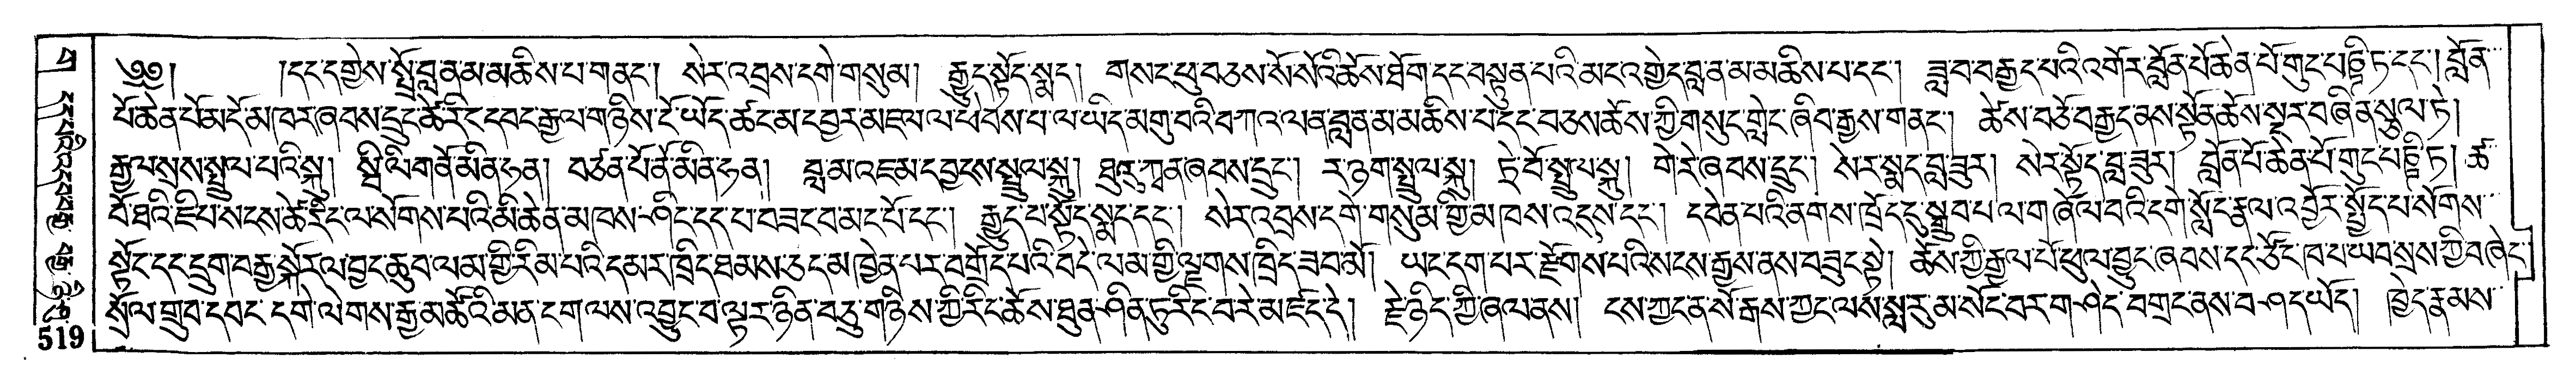༄༅། །དང་དགྱེས་སྤྲོ་བླ་ན་མ་མཆིས་པ་གནང་། སེར་འབྲས་དགེ་གསུམ། རྒྱུད་སྟོད་སྨད། གསང་ཕུ་བཅས་སོ་སོའི་ཆོས་ཐོག་དང་བསྟུན་པའི་མང་འགྱེད་བླ་ན་མ་མཆིས་པ་དང་། ཟླ་བ་བརྒྱད་པའི་འགོར་བློན་པོ་ཆེན་པོ་གུང་པཎྜི་ཏ་དང་། བློན་
པོ་ཆེན་པོ་མདོ་མཁར་ཞབས་དྲུང་ཚེ་རིང་དབང་རྒྱལ་གཉིས་ངོ་ཡོད་ཚང་མ་དབྱར་ན་ཇལ་ལ་ཕེབས་པ་ལ་ཡིད་མགུ་བའི་བཀའ་ལན་བླ་ན་མ་མཆིས་པ་དང་བཅས་ཆོས་ཀྱི་གསུང་གླེང་ཞིབ་རྒྱས་གནང་། ཚེས་བཅོ་བརྒྱད་ནས་སྟོན་ཆོས་སྔར་བཞིན་སྩལ་ཏེ།
རྒྱལ་སྲས་སྤྲུལ་པའི་སྐུ། སྤི་ལི་ག་ནོ་མིན་ཧན། བཙན་པོ་ནོ་མིན་ཧན། བླ་མ་འཇམ་དབྱངས་སྤྲུལ་སྐུ། ཐུའུ་ཀྭན་ཞབས་དྲུང་། ར་ཉག་སྤྲུལ་སྐུ། ཏྲེ་བོ་སྤྲུལ་སྐུ། གེ་རེ་ཞབས་དྲུང་། སེར་སྨད་བླ་ཟུར། སེར་ལྟོད་བླ་ཟུར། བློན་པོ་ཆེན་པོ་གུད་པཎྜི་ཏ། ཚ་
པོ་ཐའི་ཇི་པ་སངས་ཚེ་རིང་ལ་སོགས་པའི་མི་ཆེན་མཁས་ཤིང་དད་པ་བཟང་བ་མང་པོ་དང་། རྒྱུད་བསྟོད་སྨད་དང་། སེར་འབྲས་དགེ་གསུམ་གྱི་མཁས་འདུས་དང་། དབེན་པའི་ནགས་ཁྲོད་དུ་སྒྲུབ་པ་ལ་གཞོལ་བའི་དགེ་སློང་རྣལ་འབྱོར་སྤྱོད་པ་སོགས་
སྟོང་དང་དྲུག་བརྒྱ་སྐོར་ལ་བྱང་ཆུབ་ལམ་གྱི་རིམ་པའི་དམར་ཁྲིད་ཐམས་ཅད་མཁྱེན་པར་བགྲོད་པའི་བདེ་ལམ་གྱི་ལྗགས་ཁྲིད་ཟབ་མོ། ཡང་དག་པར་རྫོགས་པའི་སངས་རྒྱས་ནས་བཟུང་སྟེ། ཆོས་ཀྱི་རྒྱལ་པོ་ཕུལ་བྱུང་ཞབས་དང་ཙོང་ཁ་པ་ཡབ་སྲས་ཀྱི་བཞེད་
སྲོལ་གྲུབ་དབང་དགེ་ལེགས་རྒྱ་མཚོའི་མན་ངག་ལས་འབྱུང་བ་ལྟར་ཉིན་བཅུ་གཉིས་ཀྱི་རིང་ཆོས་ཐུན་ཤིན་ཏུ་རིང་བ་རེ་མཛད་དེ། རྗེ་ཉིད་ཀྱི་ཞལ་ནས། ངས་ཀྱང་ན་སོ་རྒས་ཀྱང་ལས་སླ་རུ་མ་སོང་བར་གཤེད་བགྲང་ནས་བཤད་ཡོད། ཁྱེད་རྣམས་